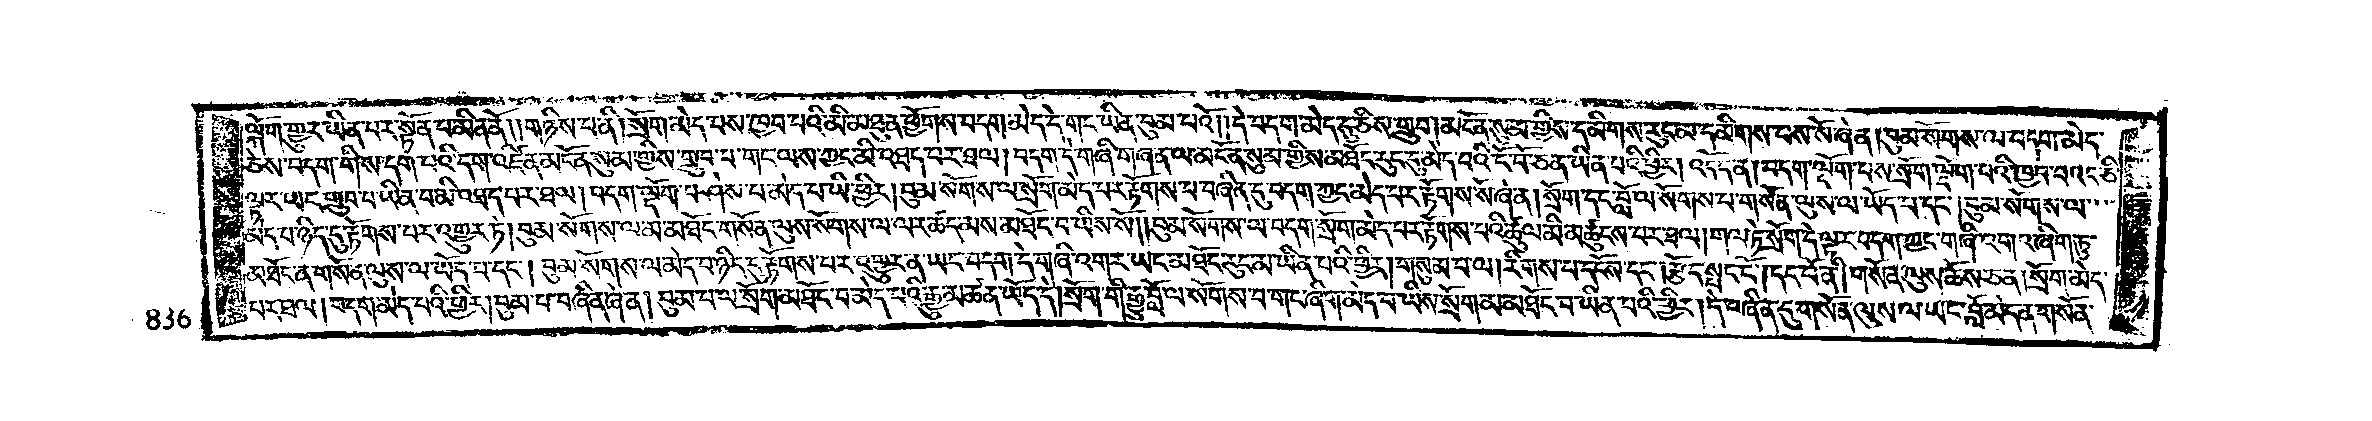ལྐོག་གྱུར་ཡིན་པར་སྟོན་པ་མིན་ནོ། །གཉིས་པ་ནི། སྲོག་མེད་པས་ཁྱབ་པའི་མི་མཐུན་ཕྱོགས་བདག་མེད་དེ་གང་ཡིན་བུམ་པའོ། །དེ་བདག་མེད་དུ་ཅིས་གྲུབ། མངོན་སུམ་གྱིས་དམིགས་རུང་མ་དམིགས་པས་སོ་ཞེ་ན། བུམ་སོགས་ལ་བདག་མེད་
ཅེས་བདག་གིས་དག་པའི་དག་འཛིན་མངོན་སུམ་གྱིས་གྱུར་པ་གང་ལས་ཀྱང་མི་འཐད་པར་ཐལ། བདག་དེ་གཞི་གཞན་ལ་མངོན་སུམ་གྱིས་མཐོང་རུང་དུ་མེད་པའི་ངོ་བོ་ཅན་ཡིན་པའི་ཕྱིར། འདོད་ན། བདག་ལྡོག་པས་སྲོག་ལྡོག་པའི་ཁྱབ་པའང་ཅི་
ལྟར་ཡང་གྲུབ་པ་ཡིན་པ་མི་འཐད་པར་ཐལ། བདག་ལྡོག་པ་ཤེས་པ་མེད་པ་ཡི་ཕྱིར། བུམ་སོགས་ལ་སྲོག་མེད་པར་རྟོགས་པ་བཞིན་དུ་བདག་ཀྱང་མེད་པར་རྟོགས་སོ་ཞེ་ན། སྲོག་དང་བློ་ལ་སོགས་པ་གསོན་ལུས་ལ་ཡོད་པ་དང་། བུམ་སོགས་ལ་
མེད་པ་ཉིད་དུ་རྟོགས་པར་འགྱུར་ཏེ། བུམ་སོགས་ལ་མ་མཐོང་གསོན་ལུས་སོགས་ལ་ལར་ཚད་མས་མཐོང་བ་ཡིས་སོ། །བུམ་སོགས་ལ་བདག་སྲོག་མེད་པར་རྟོགས་པའི་ཚུལ་མི་མཚུངས་པར་ཐལ། གལ་ཏེ་སྲོག་དེ་ལྟར་བདག་ཀྱང་གཞི་འགའ་ཞིག་ཏུ་
མཐོང་ནས་གསོན་ལུས་ལ་ཡོད་པ་དང་། བུམ་སོགས་ལ་མེད་པ་ཉིད་དུ་རྟོགས་པར་འགྱུར་ན་ཡང་བདག་དེ་གཞི་འགར་ཡང་མཐོང་རུང་མ་ཡིན་པའི་ཕྱིར། གསུམ་པ་ལ། རིགས་པ་དངོས་དང་། རྩོད་སྤང་ངོ། དང་པོ་ནི། གསོན་ལུས་ཆོས་ཅན། སྲོག་མེད་
པར་ཐལ། བདག་མེད་པའི་ཕྱིར། བུམ་པ་བཞིན་ཞེ་ན། བུམ་པ་ལ་སྲོག་མཐོང་བ་མེད་པའི་རྒྱུ་མཚན་ཡོད་དེ། སྲོག་གི་རྒྱུ་བློ་ལ་སོགས་པ་གང་ཞིག་མེད་པ་ཡིས་སྲོག་མ་མཐོང་བ་ཡིན་པའི་ཕྱིར། དེ་བཞིན་དུ་གསོན་ལུས་ལ་ཡང་བློ་མེད་ན་གསོན་